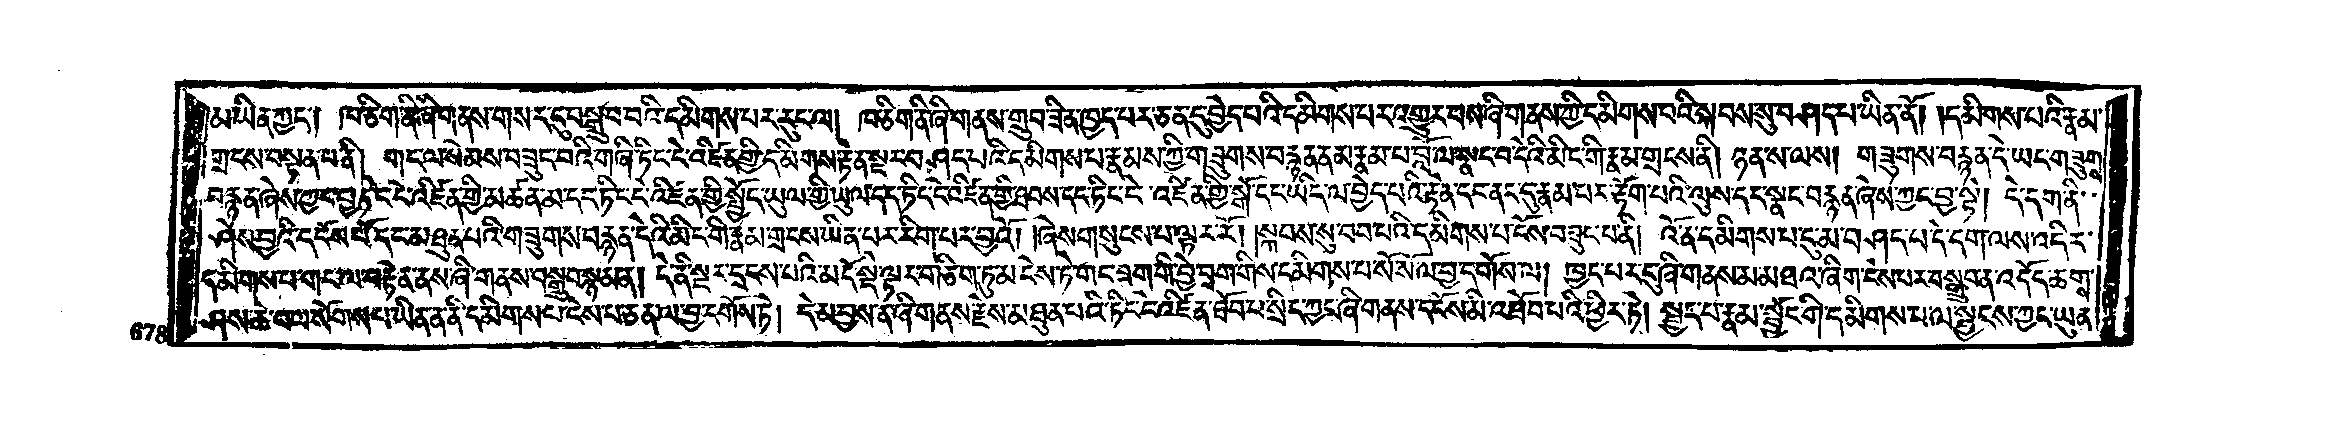མ་ཡིན་ཀྱང་། ཁ་ཅིག་ནི་ཞི་གནས་གསར་དུ་བསྒྲུབ་པའི་དམིགས་པར་རུང་ལ། ཁ་ཅིག་ནི་ཞི་གནས་གྲུབ་ཟིན་ཁྱད་པར་ཅན་དུ་བྱེད་པའི་དམིགས་པར་འགྱུར་བས་ཞི་གནས་ཀྱི་དམིགས་པའི་སྐབས་སུ་བཤད་པ་ཡིན་ནོ། །དམིགས་པའི་རྣམ་
གྲངས་བསྟན་པ་ནི། གང་ལ་སེམས་བཟུང་བའི་གཞི་ཏིང་ངེ་འཛིན་གྱི་དམིགས་རྟེན་སྔར་བཤད་པའི་དམིགས་པ་རྣམས་ཀྱི་གཟུགས་བརྙན་ནམ་རྣམ་པ་བློ་ལ་སྣང་བ་དེའི་མིང་གི་རྣམ་གྲངས་ནི། ཉན་ས་ལས། གཟུགས་བརྙན་དེ་ཡང་གཟུགས་
བརྙན་ཞེས་ཀྱང་བྱ་ཏིང་ངེ་འཛིན་གྱི་མཚན་མ་དང་ཏིང་ངེ་འཛིན་གྱི་སྤྱོད་ཡུལ་གྱི་ཡུལ་དང་ཏིང་ངེ་འཛིན་གྱི་ཐབས་དང་ཏིང་ངེ་འཛིན་གྱི་སྒོ་དང་ཡིད་ལ་བྱེད་པའི་རྟེན་དང་ནང་དུ་རྣམ་པར་རྟོག་པའི་ལུས་དང་སྣང་བརྙན་ཞེས་ཀྱང་བྱ་སྟེ། དེ་དག་ནི་
ཤེས་བྱའི་དངོས་པོ་དང་མཐུན་པའི་གཟུགས་བརྙན་དེའི་མིང་གི་རྣམ་གྲངས་ཡིན་པར་རིག་པར་བྱའོ། །ཞེས་གསུངས་པ་ལྟར་རོ། །སྐབས་སུ་བབ་པའི་དམིགས་པ་ངོས་བཟུང་བ་ནི། འོ་ན་དམིགས་པ་དུ་མ་བཤད་པ་དེ་དག་ལས་འདིར་
དམིགས་པ་གང་ལ་བརྟེན་ནས་ཞི་གནས་བསྒྲུབ་སྙམ་ན། དེ་ནི་སྔར་དྲངས་པའི་མདོ་སྡེ་ལྟར་གཅིག་ཏུ་མ་ངེས་ཏེ་གང་ཟག་གི་བྱེ་བྲག་གིས་དམིགས་བ་སོ་སོ་ལ་བྱ་དགོས་ལ། ཁྱད་པར་དུ་ཞི་གནས་མ་མཐའ་ཞིག་ངེས་པར་བསྒྲུབ་ན་འདོད་ཆགས་
ཤས་ཆེ་བ་ལ་སོགས་པ་ཡིན་ན་ནི་དམིགས་པ་ངེས་པ་ཅན་ལ་བྱ་དགོས་ཏེ། དེ་མ་བྱས་ན་ཞི་གནས་རྗེས་མཐུན་པའི་ཏིང་ངེ་འཛིན་ཐོབ་པ་སྲིད་ཀྱང་ཞི་གནས་དངོས་མི་འཐོབ་པའི་ཕྱིར་ཏེ། སྤྱད་པ་རྣམ་སྦྱོང་གི་དམིགས་པ་ལ་སྦྱངས་ཀྱང་ཡུན་